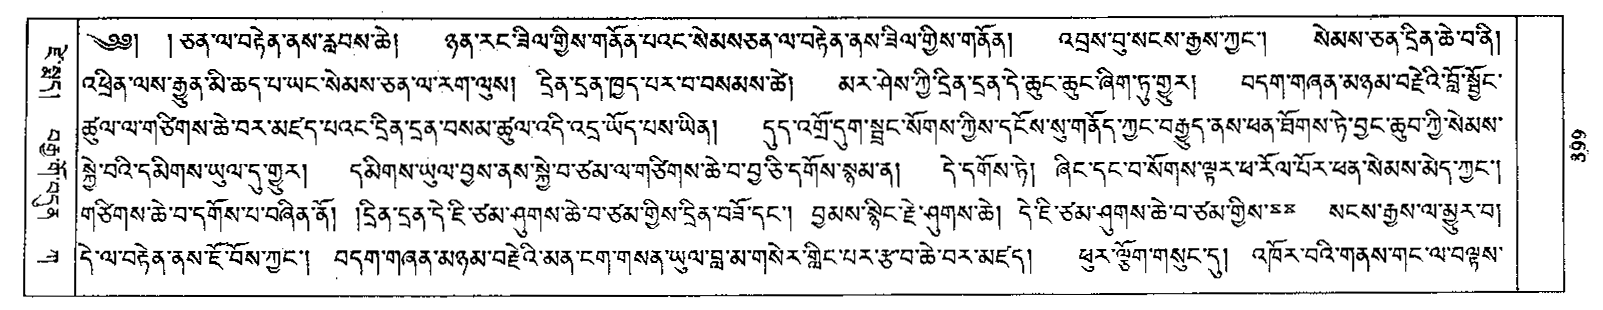༄༅། །ཅན་ལ་བརྟེན་ནས་རླབས་ཆེ། ཉན་རང་ཟིལ་གྱིས་གནོན་པའང་སེམས་ཅན་ལ་བརྟེན་ནས་ཟིལ་གྱིས་གནོན། འབྲས་བུ་སངས་རྒྱས་ཀྱང་། སེམས་ཅན་དྲིན་ཆེ་བ་ནི།
འཕྲིན་ལས་རྒྱུན་མི་ཆད་པ་ཡང་སེམས་ཅན་ལ་རག་ལུས། དྲིན་དྲན་ཁྱད་པར་བ་བསམ་ཚེ། མར་ཤེས་ཀྱི་དྲིན་དྲན་དེ་ཆུང་ཆུང་ཞིག་ཏུ་གྱུར། བདག་གཞན་མཉམ་བརྗེའི་བློ་སྦྱོང་
ཚུལ་ལ་གཙིགས་ཆེ་བར་མཛད་པའང་དྲིན་དྲན་བསམ་ཚུལ་འདི་འདྲ་ཡོད་པས་ཡིན། དུད་འགྲོ་དུག་སྦང་སོགས་ཀྱིས་དངོས་སུ་གནོད་ཀྱང་བརྒྱུད་ནས་ཕན་ཐོགས་ཏེ་བྱང་ཆུབ་ཀྱི་སེམས་
སྐྱེ་བའི་དམིགས་ཡུལ་དུ་གྱུར། དམིགས་ཡུལ་བྱས་ནས་སྐྱེ་བ་ཙམ་ལ་གཙིགས་ཆེ་བ་བྱ་ཅི་དགོས་སྙམ་ན། དེ་དགོས་ཏེ། ཞིང་དང་བ་སོགས་ལྟར་ཕ་རོལ་པོར་ཕན་སེམས་མེད་ཀྱང་།
གཙིགས་ཆེ་བ་དགོས་པ་བཞིན་ནོ། །དྲིན་དྲན་དེ་ཇི་ཙམ་ཤུགས་ཆེ་བ་ཙམ་གྱིས་དྲིན་བཟོ་དང་། བྱམས་སྙིང་རྗེ་ཤུགས་ཆེ། དེ་ཇི་ཙམ་ཤུགས་ཆེ་བ་ཙམ་གྱིས་྾་྾་སངས་རྒྱས་ལ་མྱུར་བ།
དེ་ལ་བརྟེན་ནས་ཇོ་བོས་ཀྱང་། བདག་གཞན་མཉམ་བརྗེའི་མན་ངག་གསན་ཡུལ་བླ་མ་གསེར་གླིང་པར་རྩ་བ་ཆེ་བར་མཛད། ཕུར་ལྕོག་གསུང་དུ། འཁོར་བའི་གནས་གང་ལ་བལྟས་